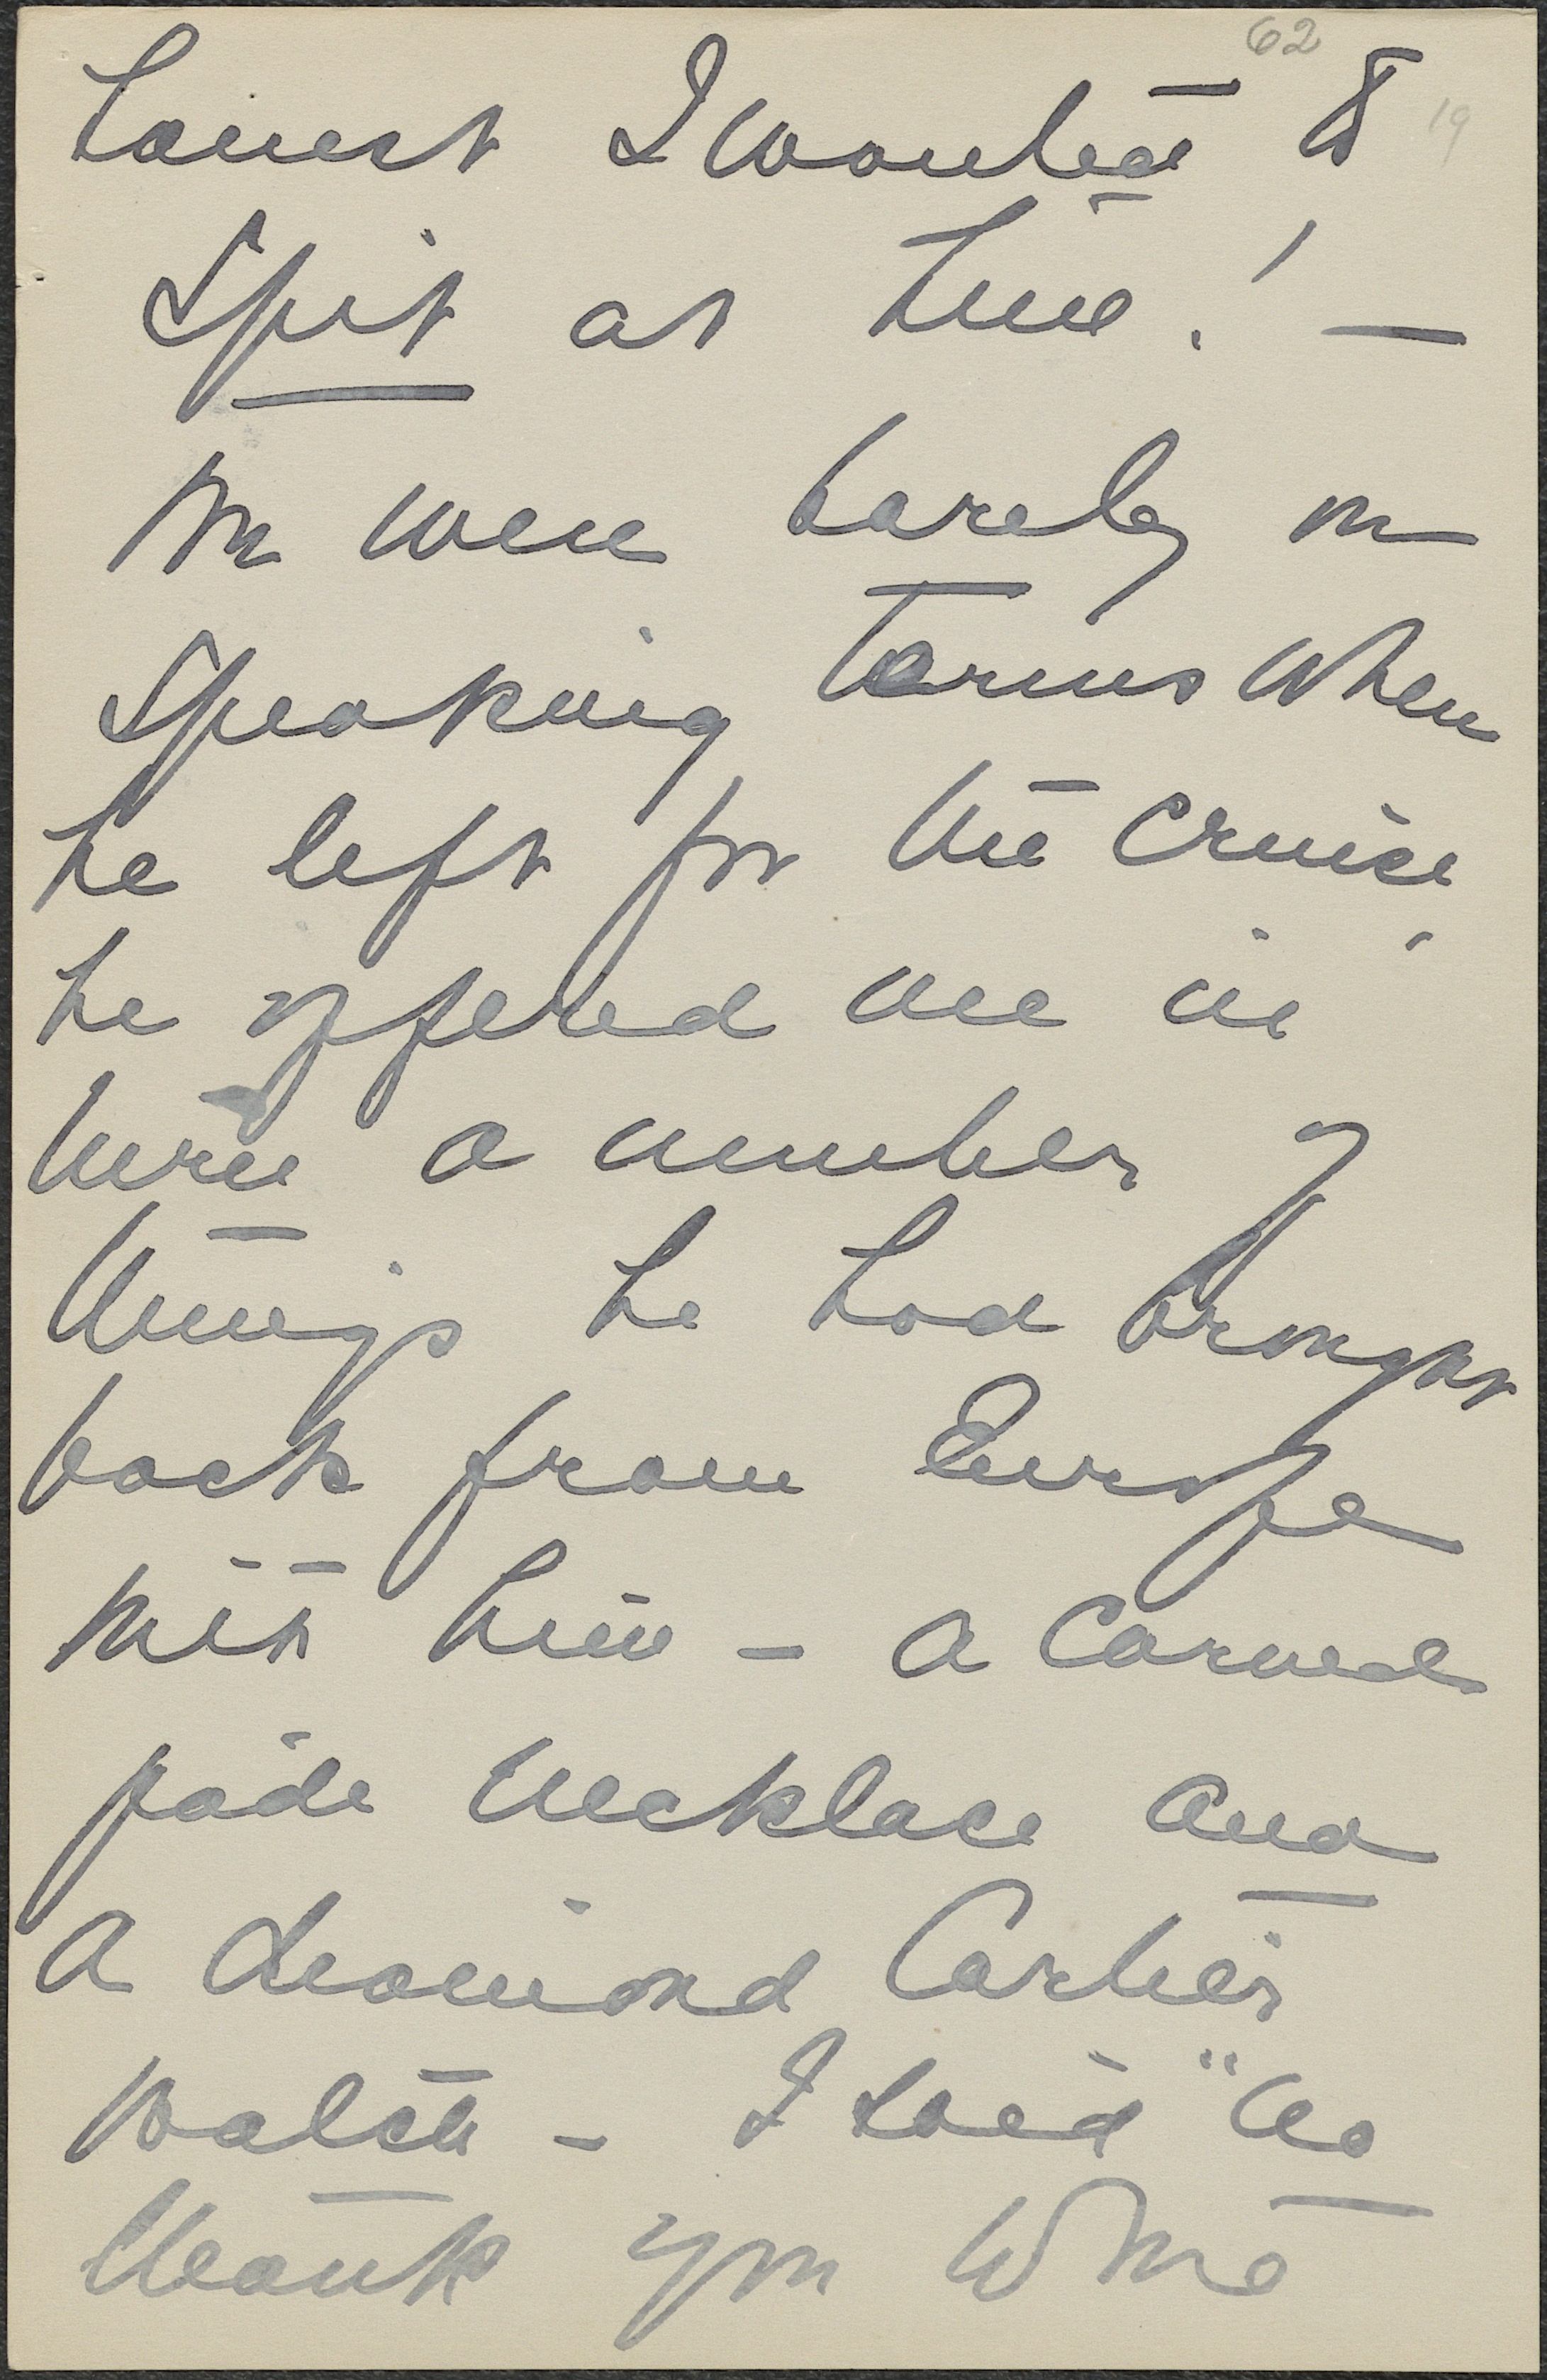honest I wanted to spit at him! – We were barely on speaking terms when he left for the cruise, he offered me in turn a number of things he had brought back from Europe with him – a carved jade necklace and a diamond Cartier watch – I said “no thank you to the